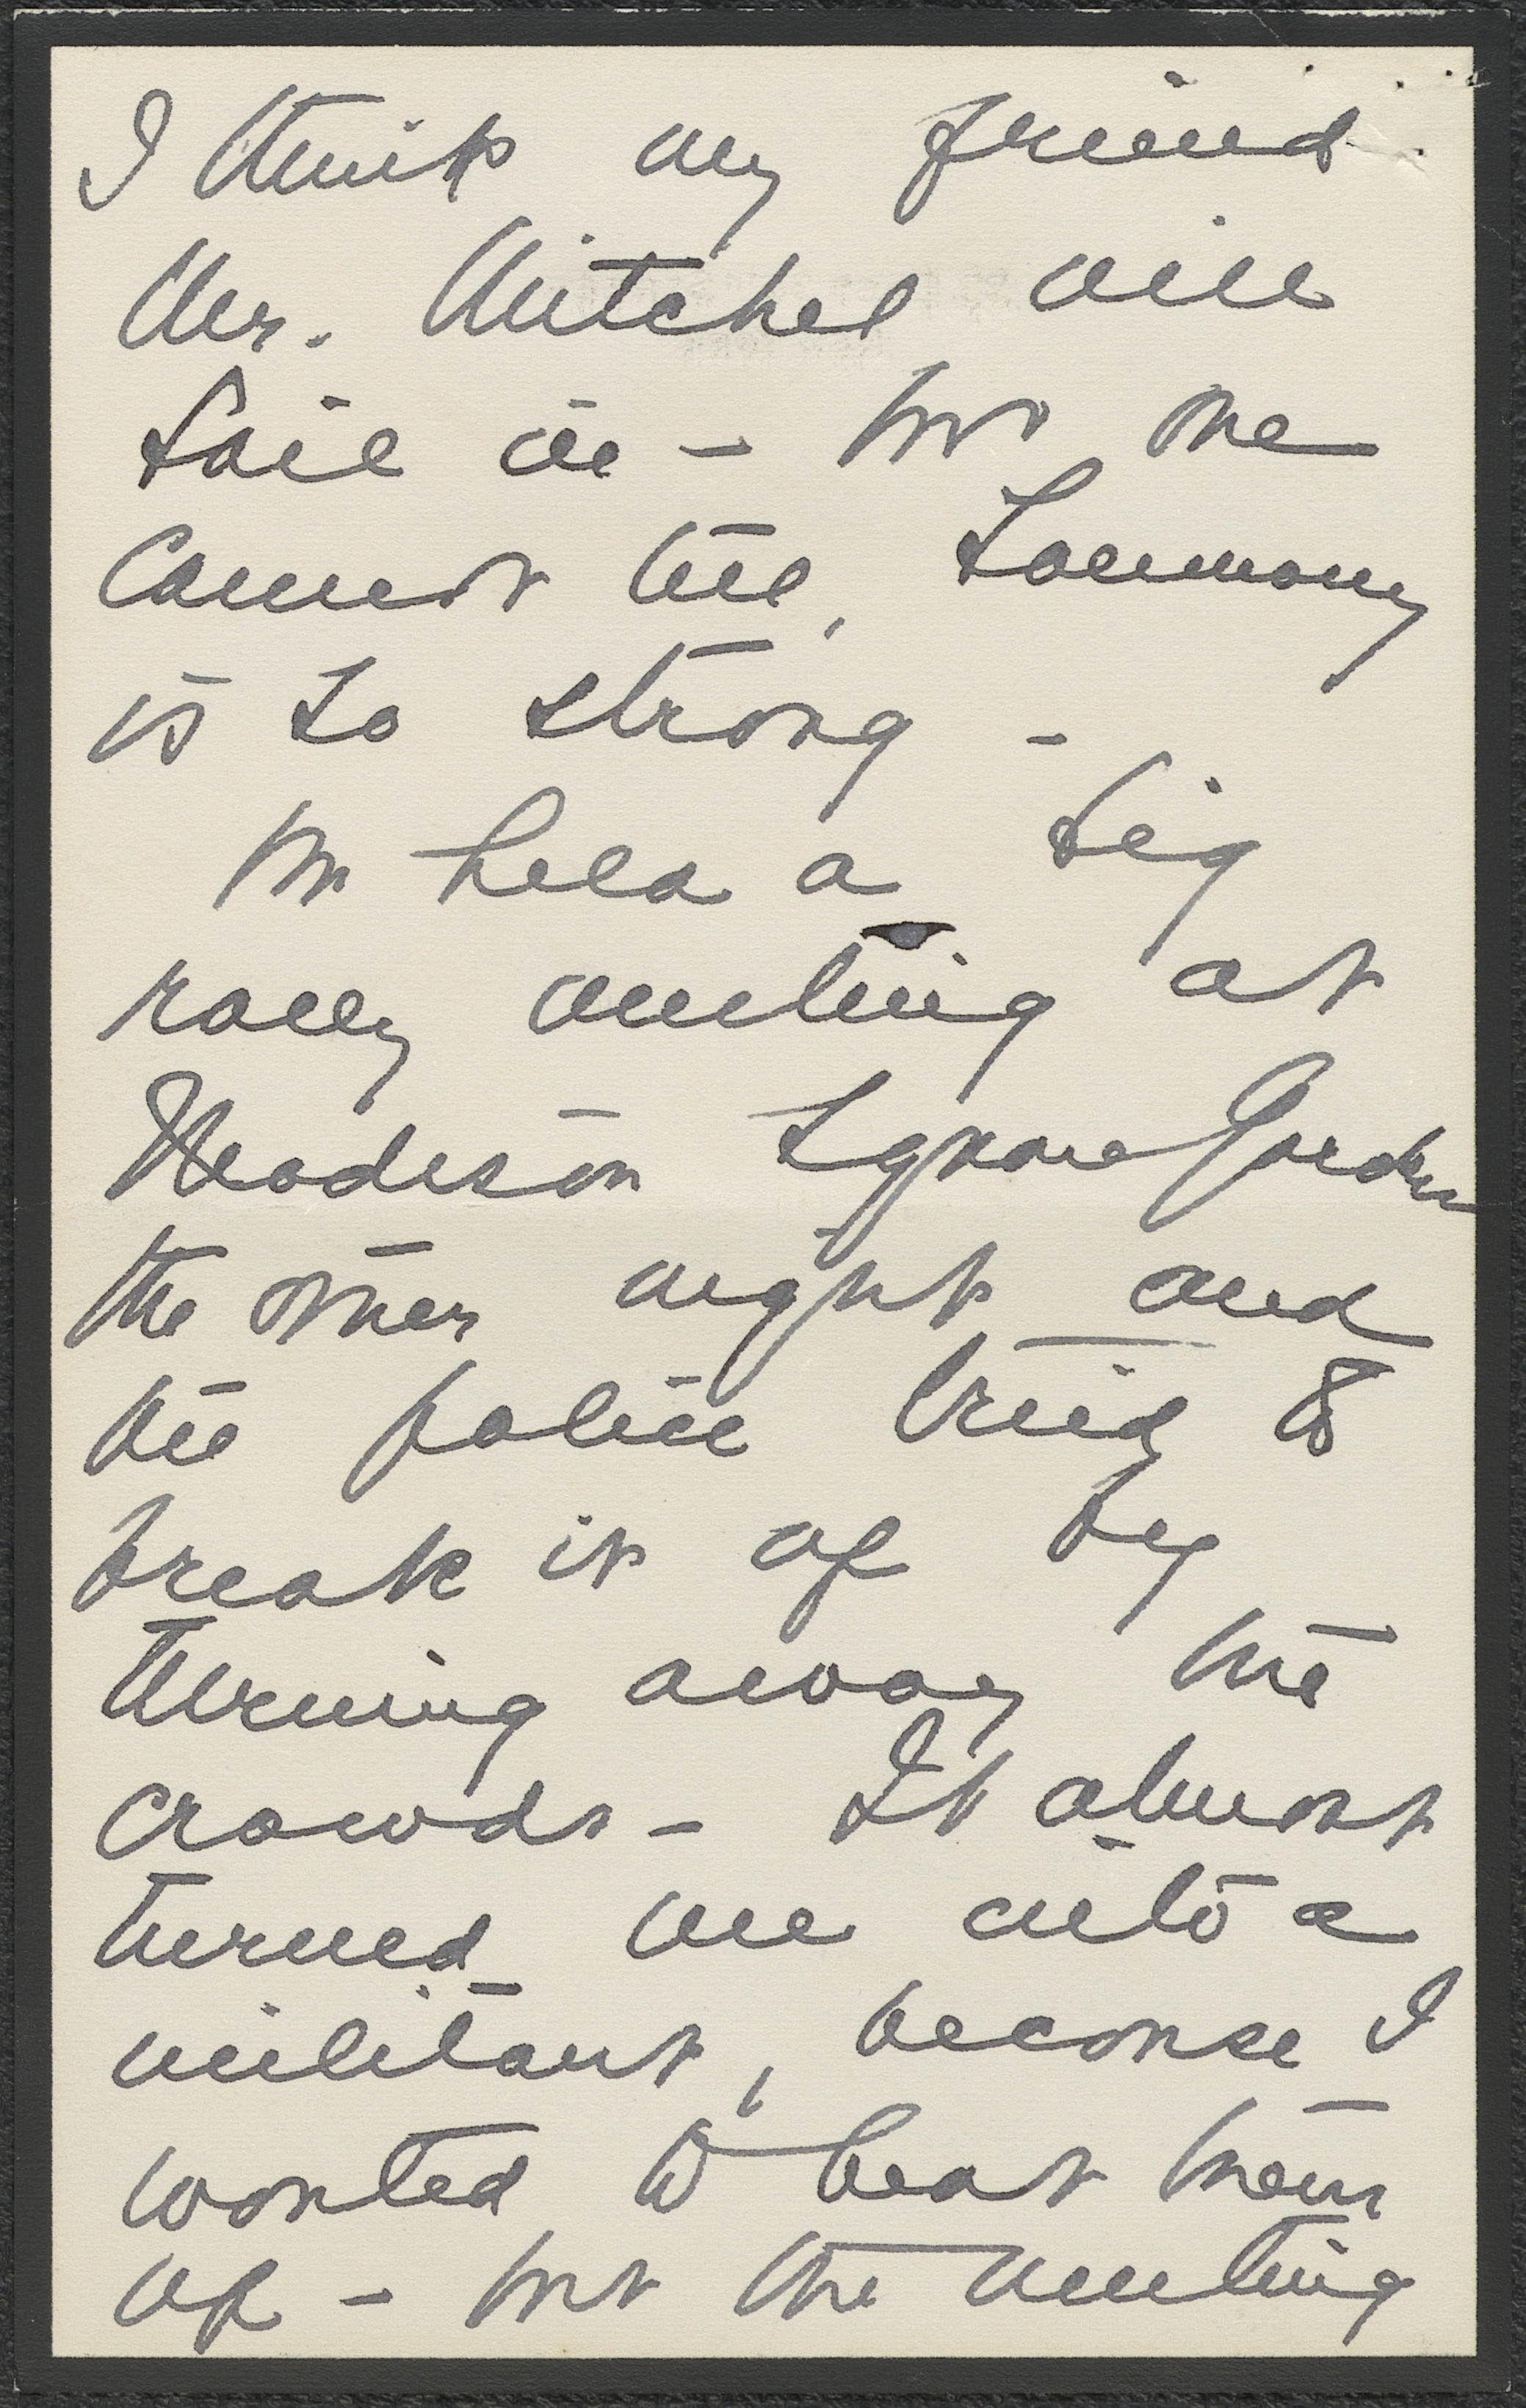I think my friend Mr. Mitchel will sail in – but one cannot tell, Tammany is so strong –
We held a big rally meeting at Madison Square Garden the other night and the police tried to break it up by turning away the crowds – It almost turned me into a militant, because I wanted to beat them up – but the meeting